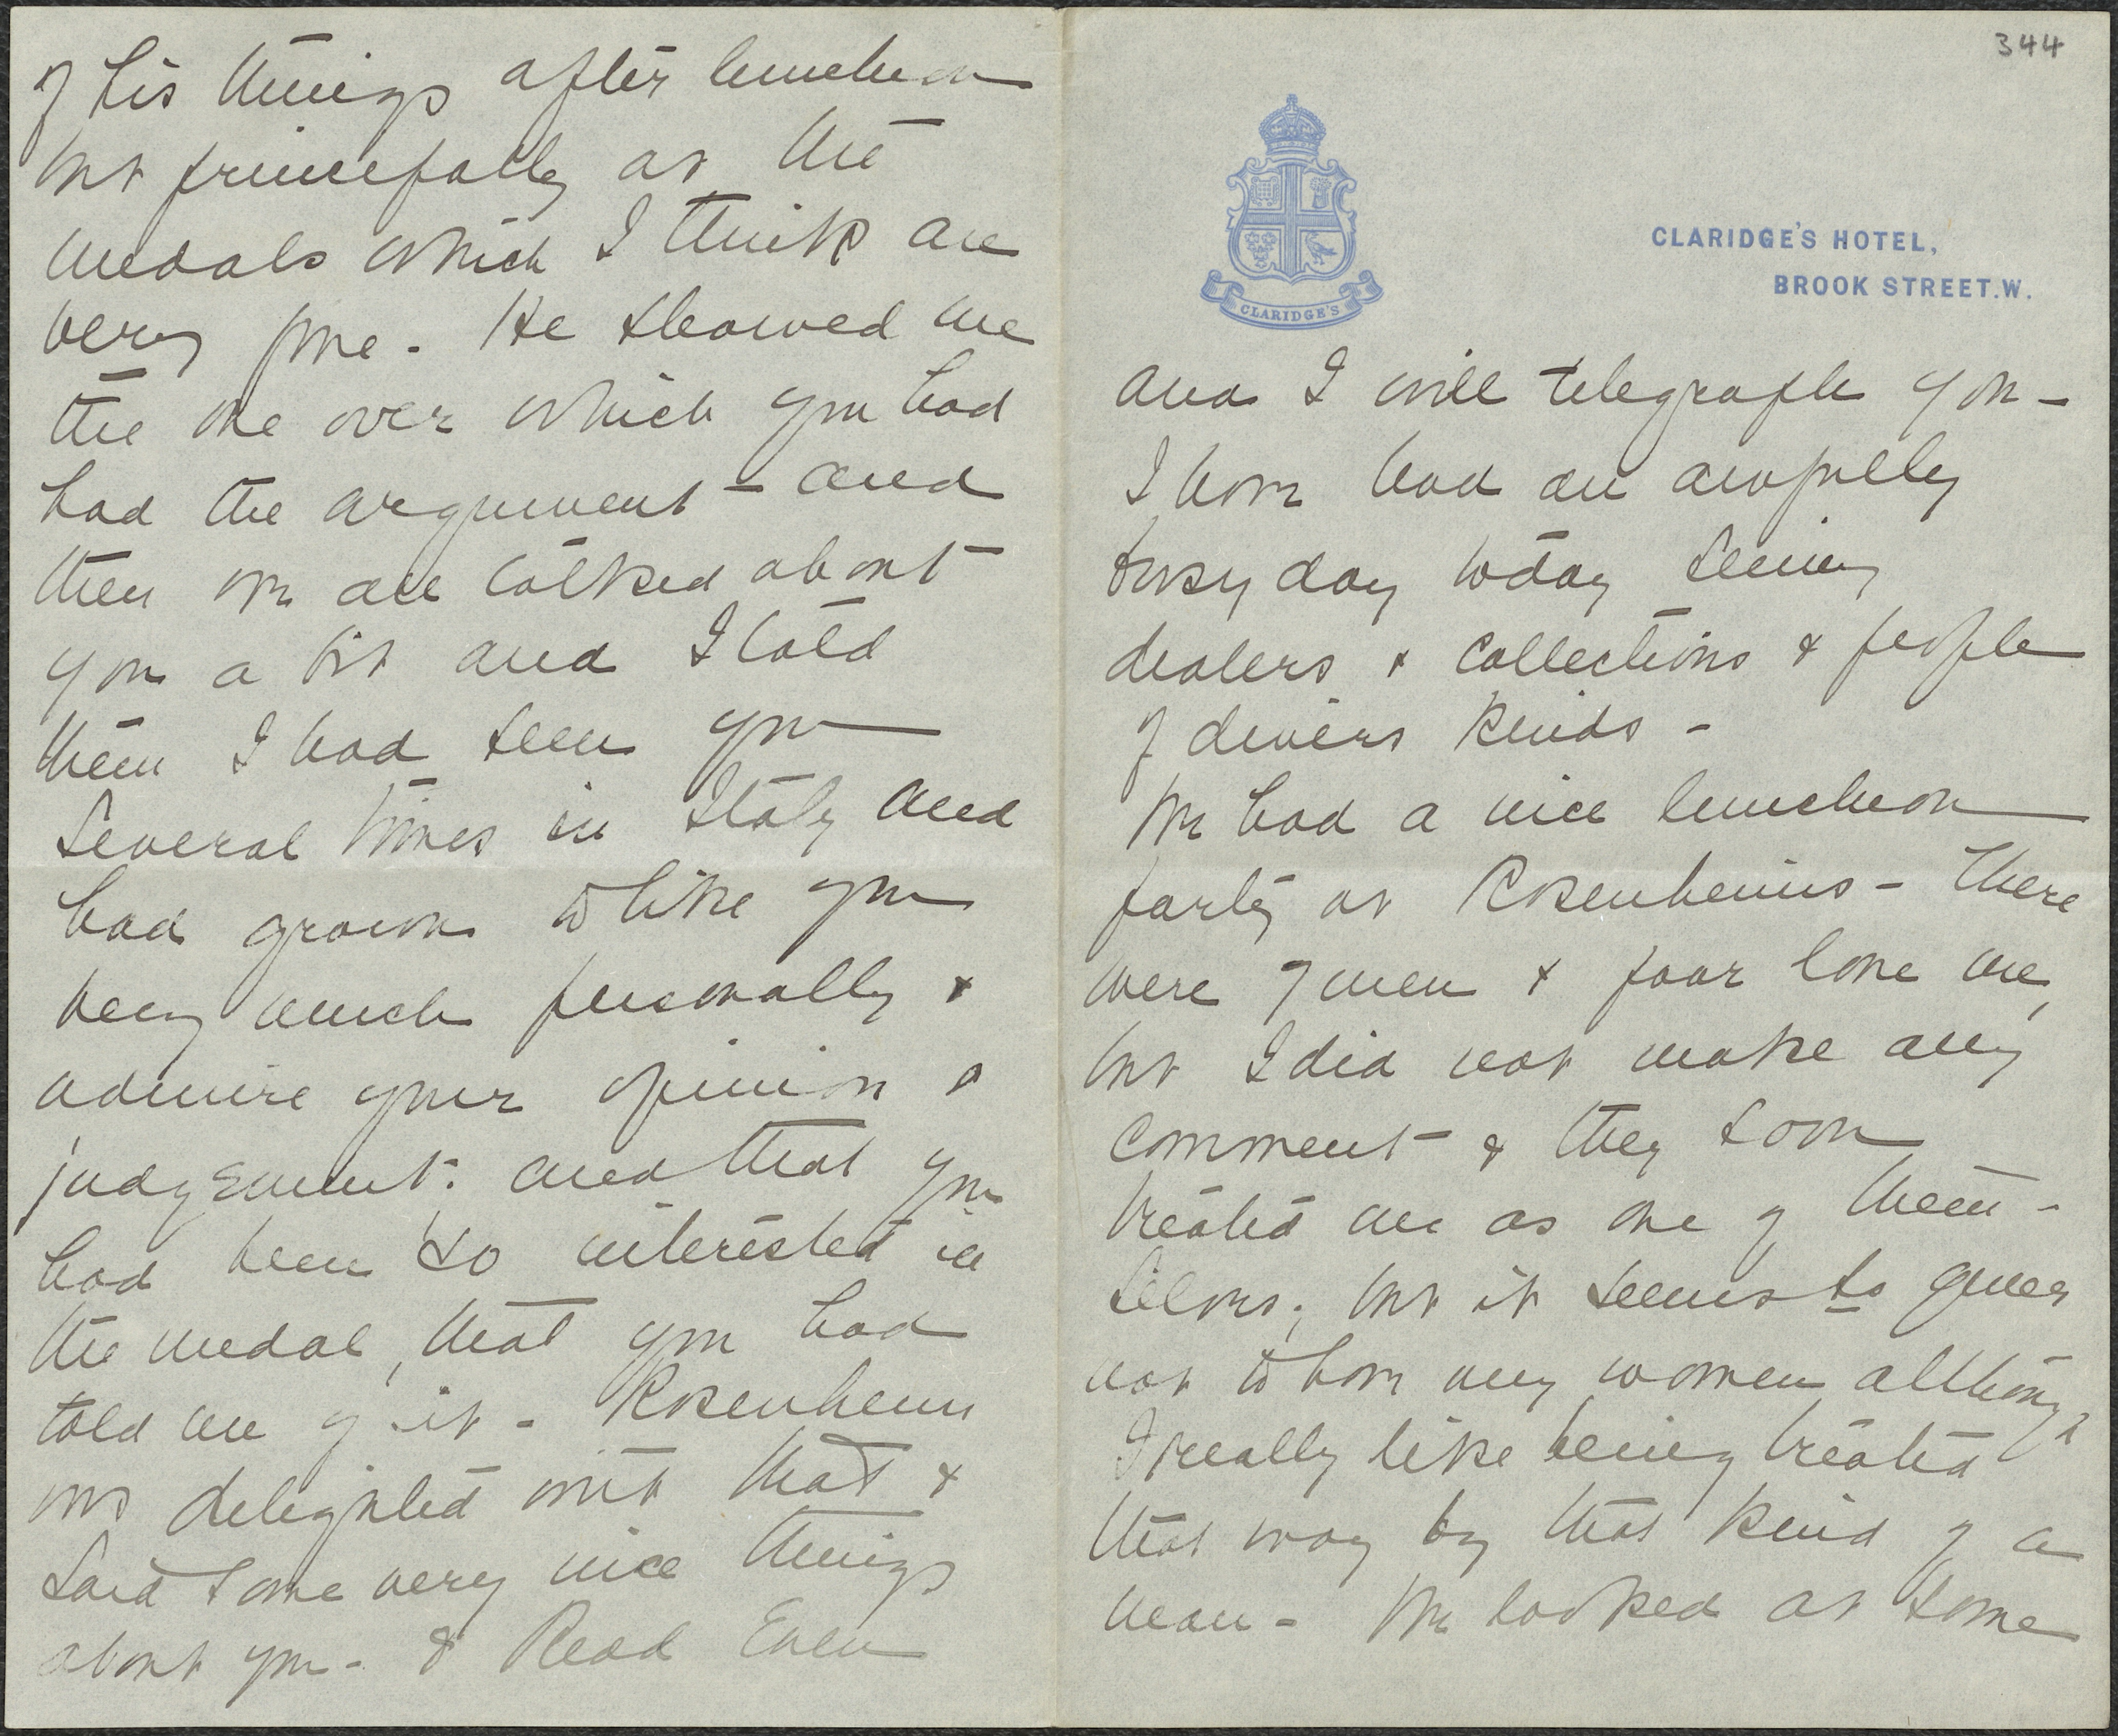and I will telegraph you – I have had an awfully busy day today seeing dealers & collections & people of diverse kinds –
We had a nice luncheon party at Rosenheims – there were 7 men & poor lone me, but I did not make any comment & they soon treated me as one of themselves; but it seems so queer not to have any women although I really like being treated that way by that kind of a man – We looked at some
of his things after luncheon but principally at the medals which I think are very fine – He showed me the one over which you had had the argument – and then we all talked about you a bit and I told them I had seen you several times in Italy and had grown to like you very much personally & admire your opinion & judgement, and that you had been so interested in the medal, that you had told me of it – Rosenheim was delighted with that & said some very nice things about you – & Read even